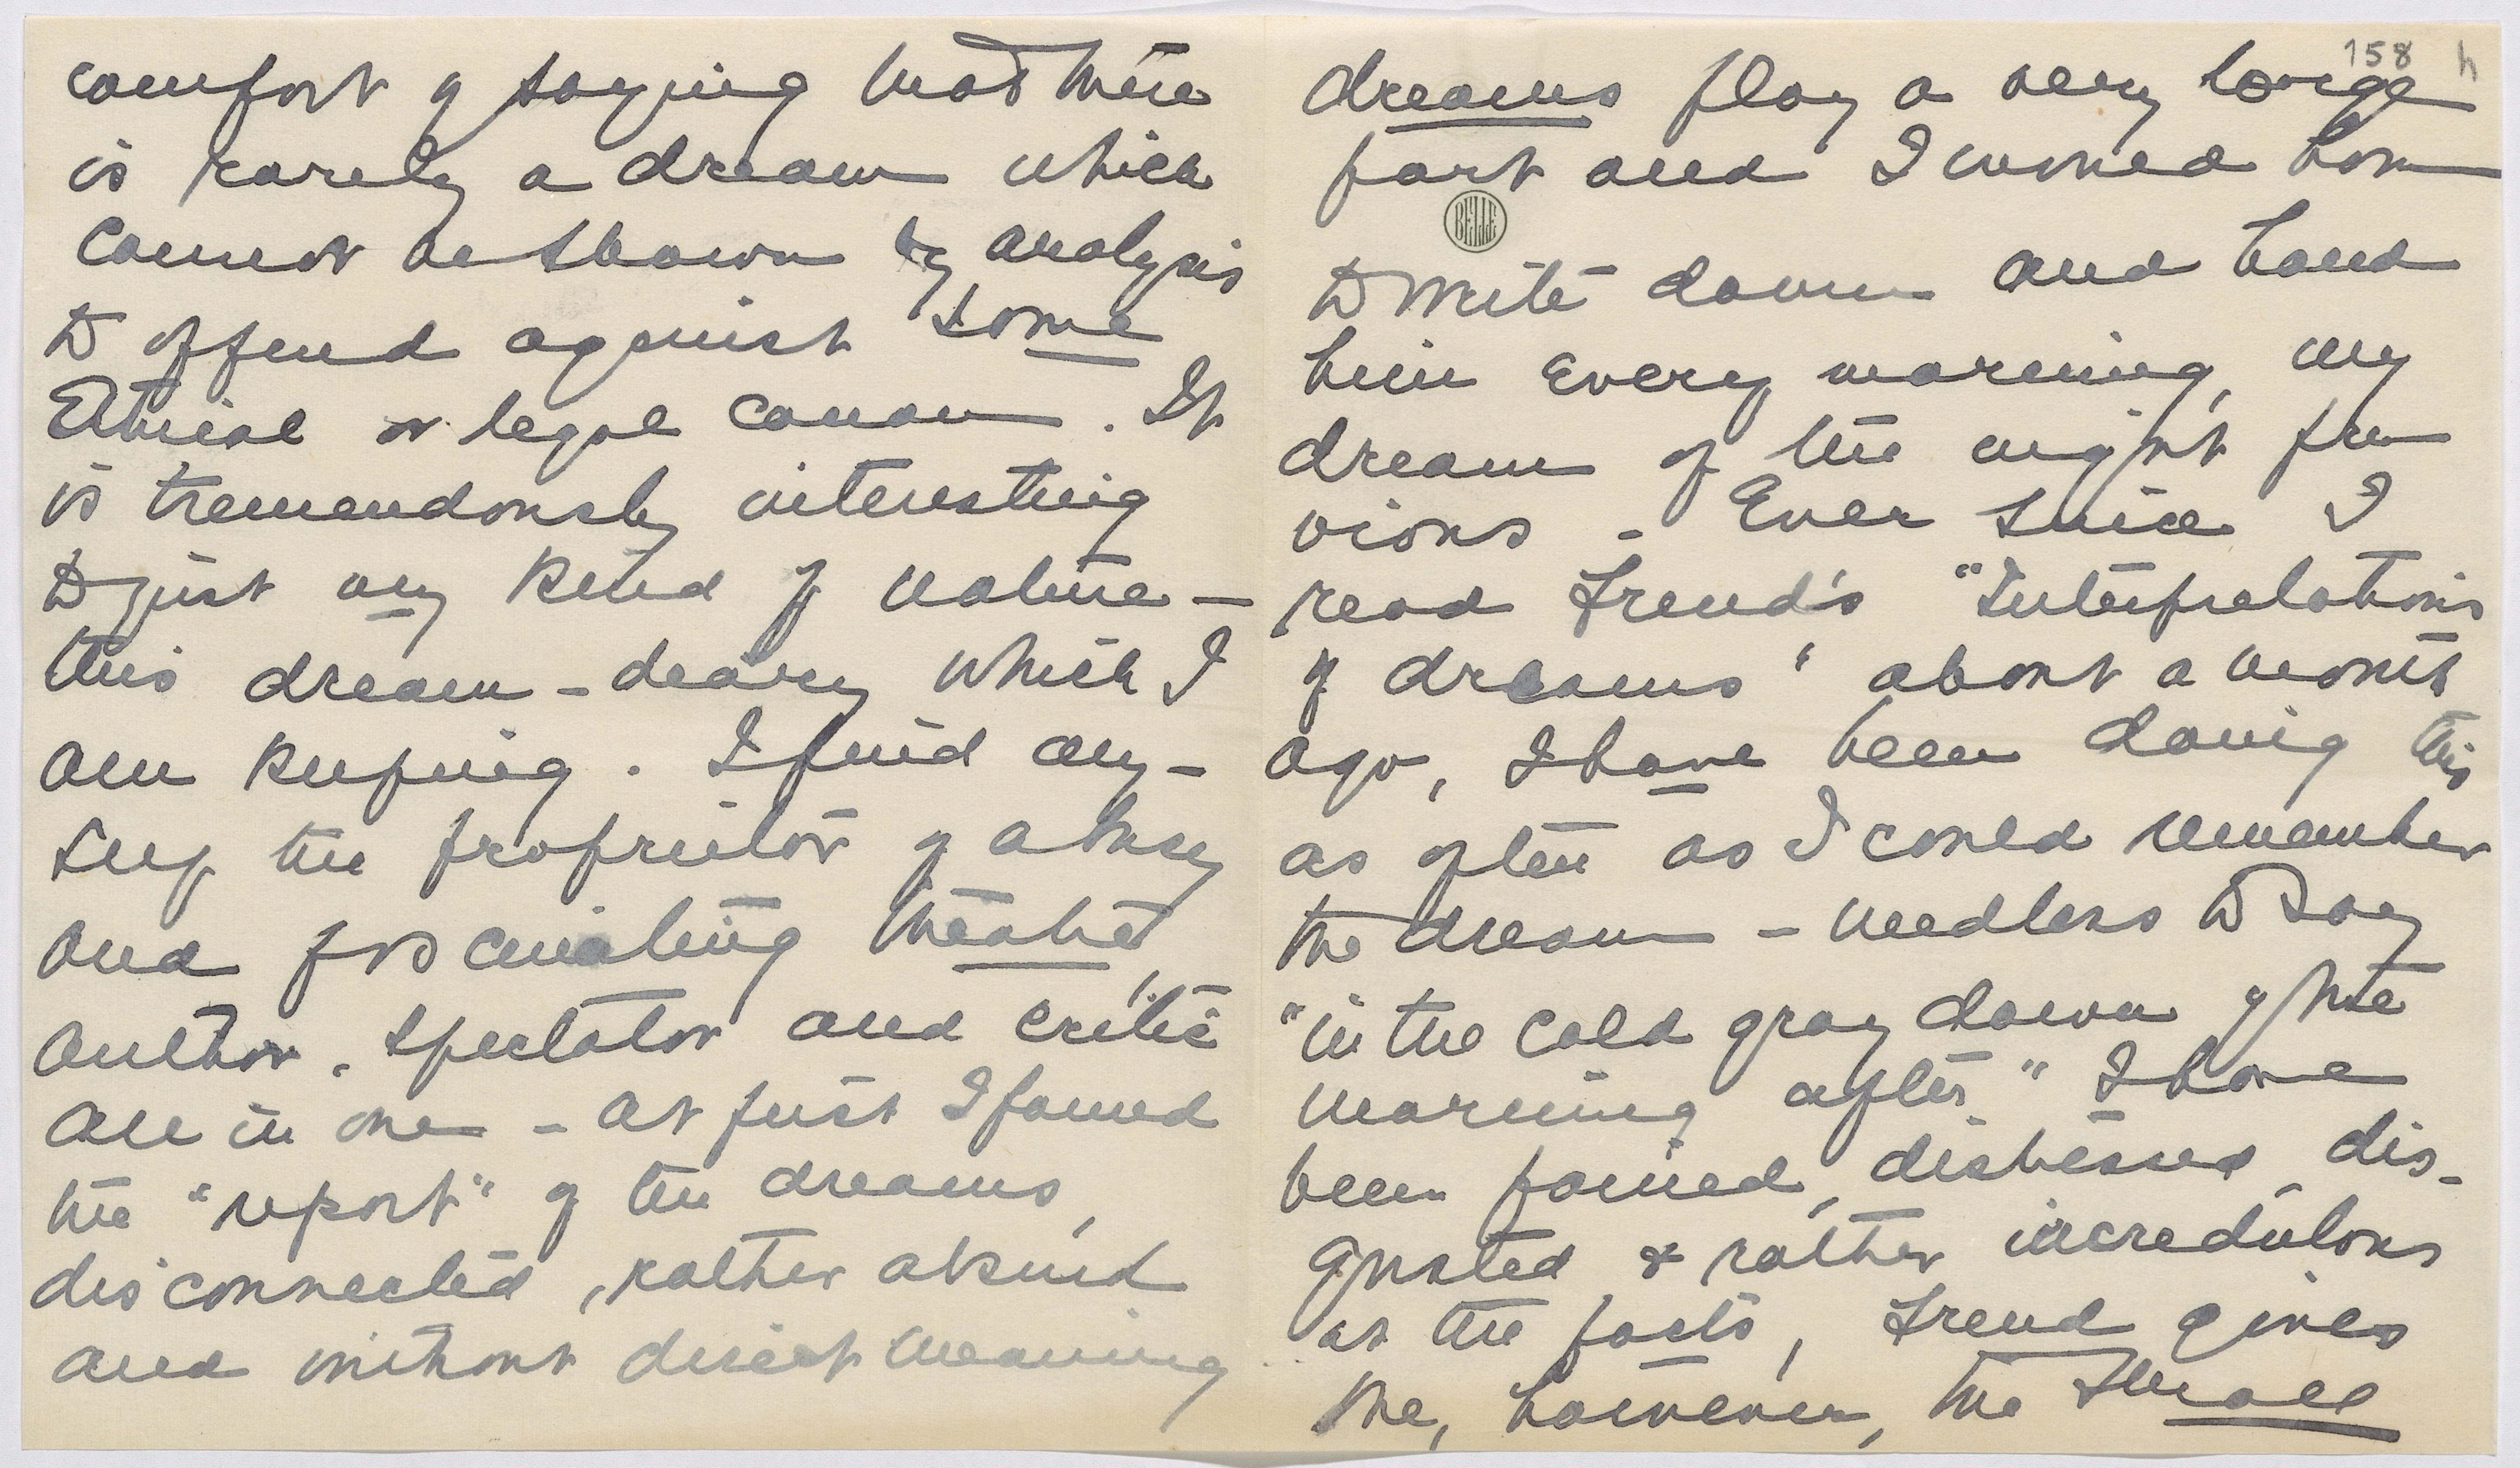dreams play a very large part and I would have to write down and hand him every morning, my dream of the night previous – ever since I read Freud’s “Interpretations of dreams” about a month ago, I have been doing this as often as I could remember the dream – needless to say “in the cold gray dawn of the morning after” I have been pained, distressed, disgusted & rather incredulous at the facts, Freud gives me, however, the small
comfort of saying that there is rarely a dream which cannot be shown by analysis to offend against some ethical or legal canon. It is tremendously interesting to just my kind of nature – this dream-diary which I am keeping. I find myself the proprietor of a busy and fascinating theatre author, spectator and critic all in one – at first I found the “report” of the dreams, disconnected, rather absurd and without direct meaning